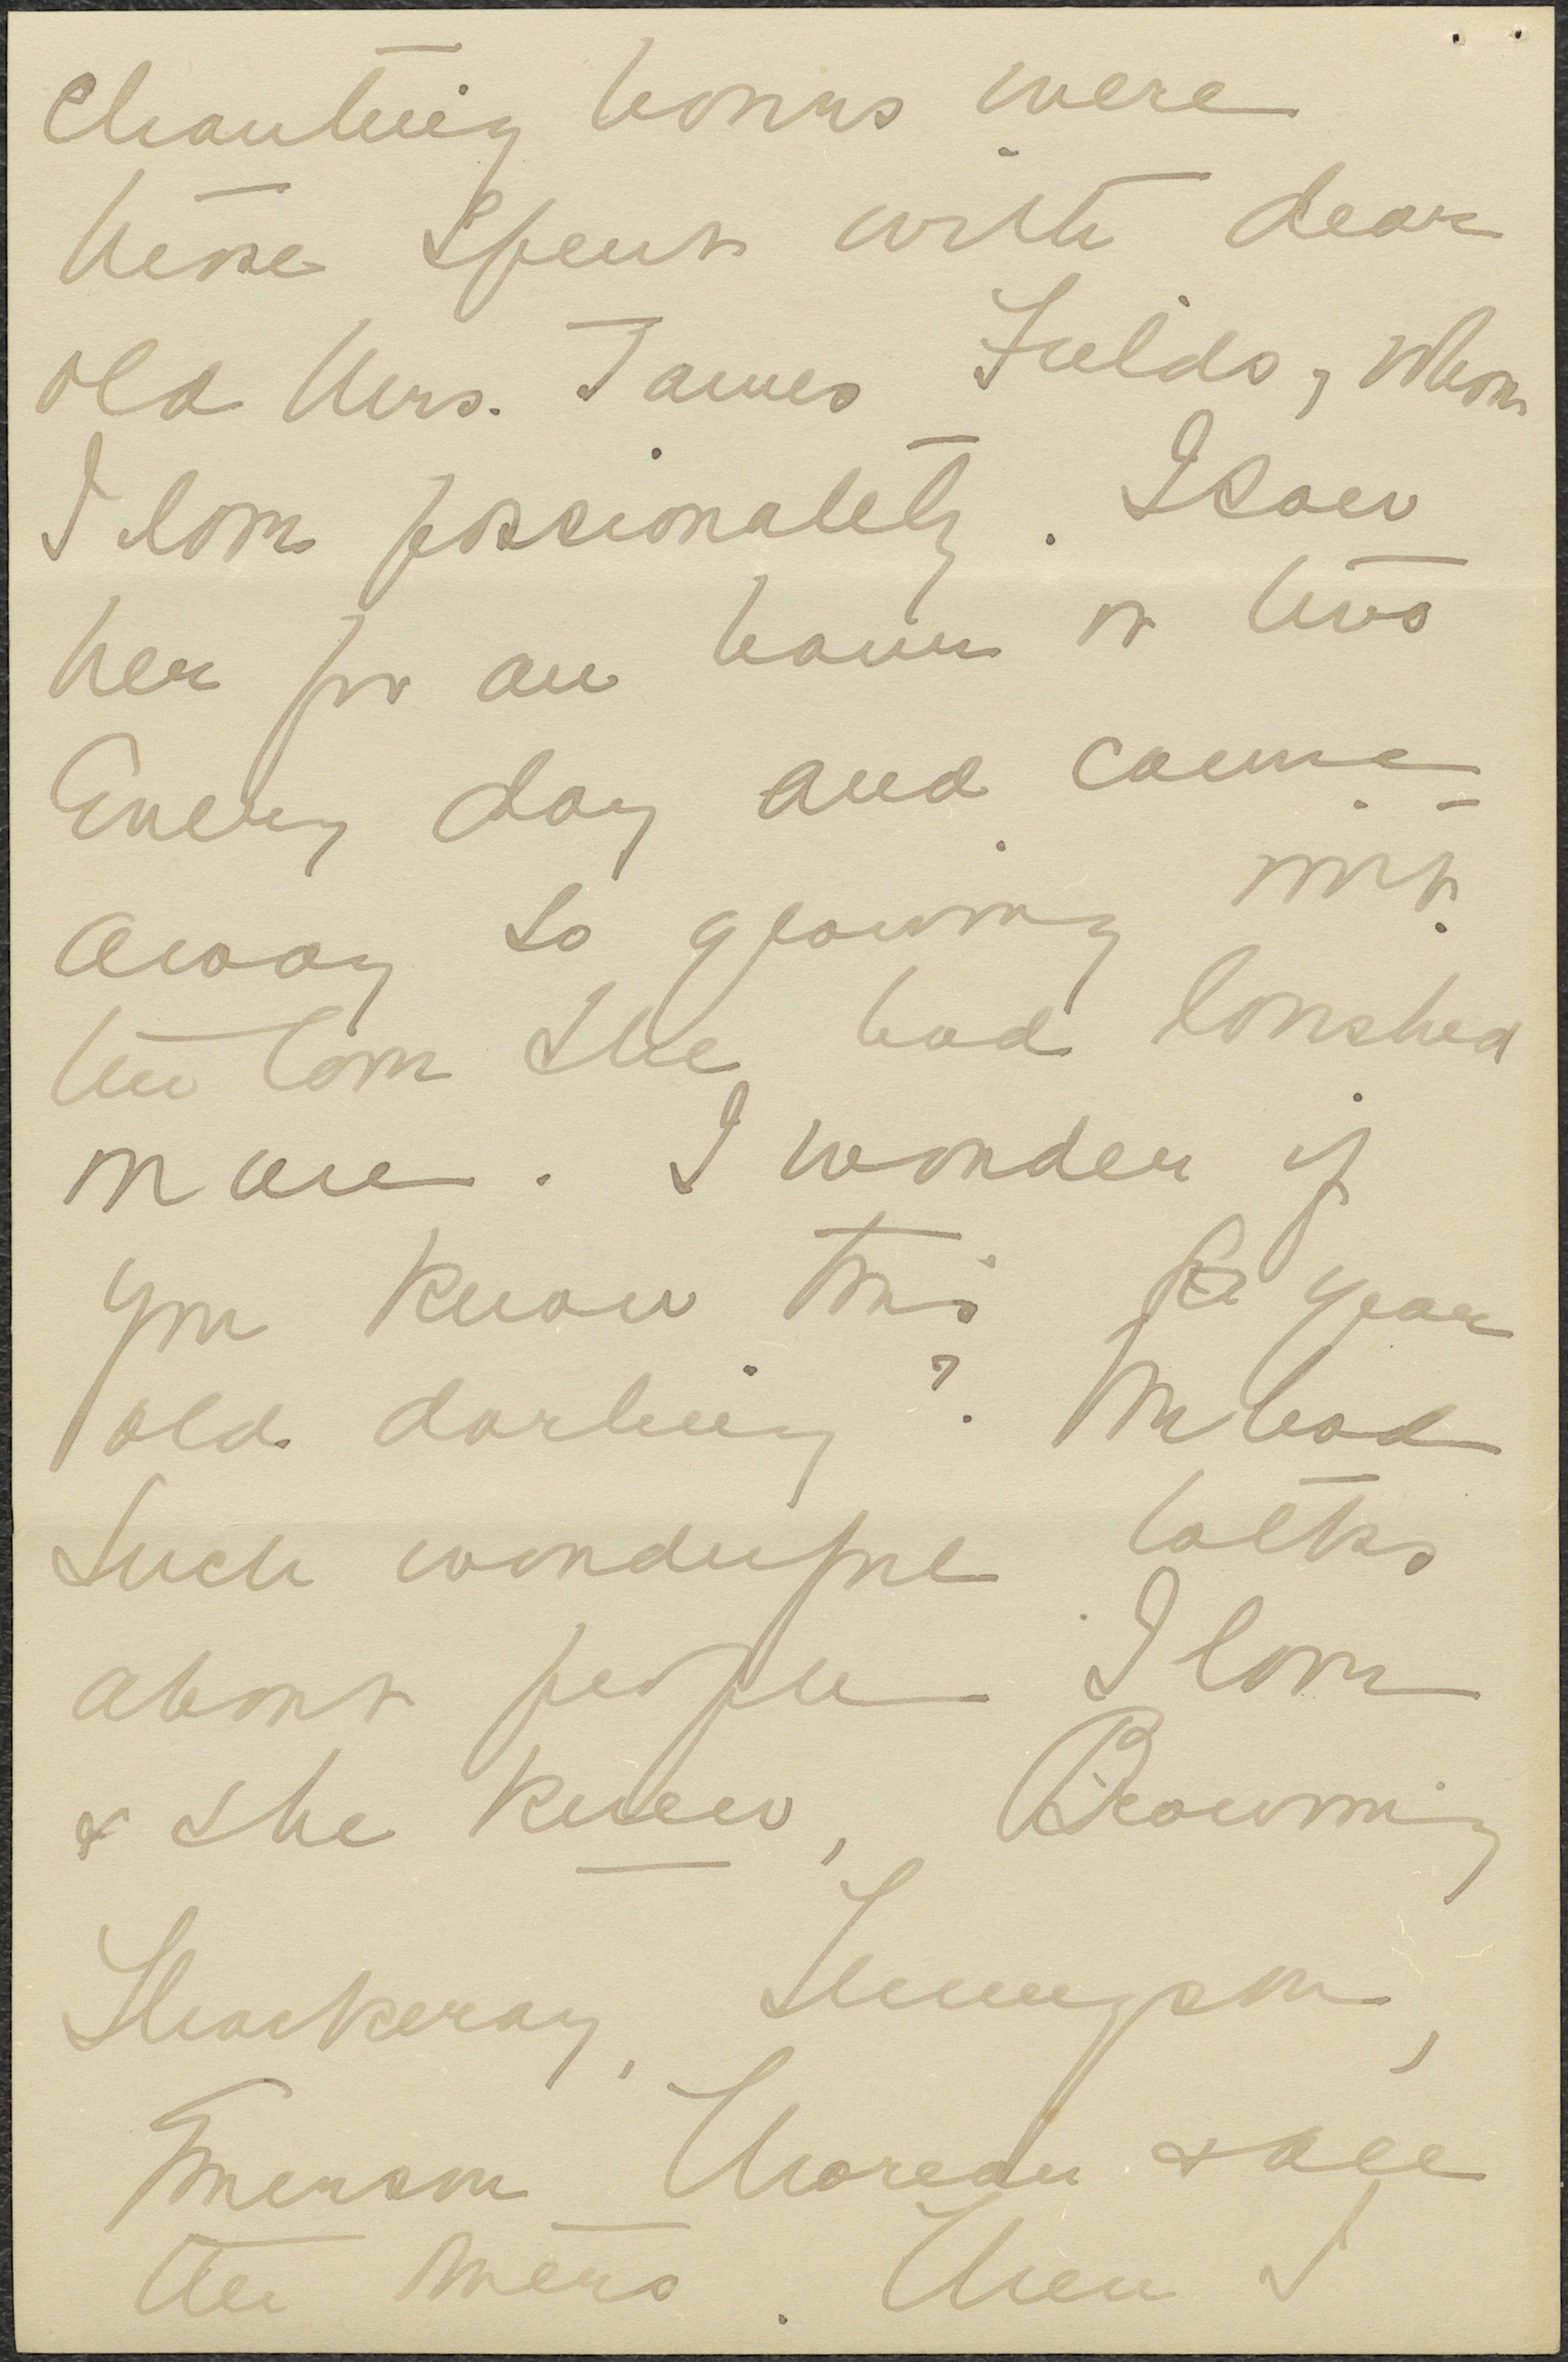hours were those spent with dear old Mrs. James Fields, whom I love passionately. I saw her for an hour or two every day and came away so glowing with the love she had lavished on me. I wonder if you know this 80 year old darling? We had such wonderful talks about people I love & she knew, Browning Thackeray, Tennyson, Emerson Thoreau & all the others. Then I